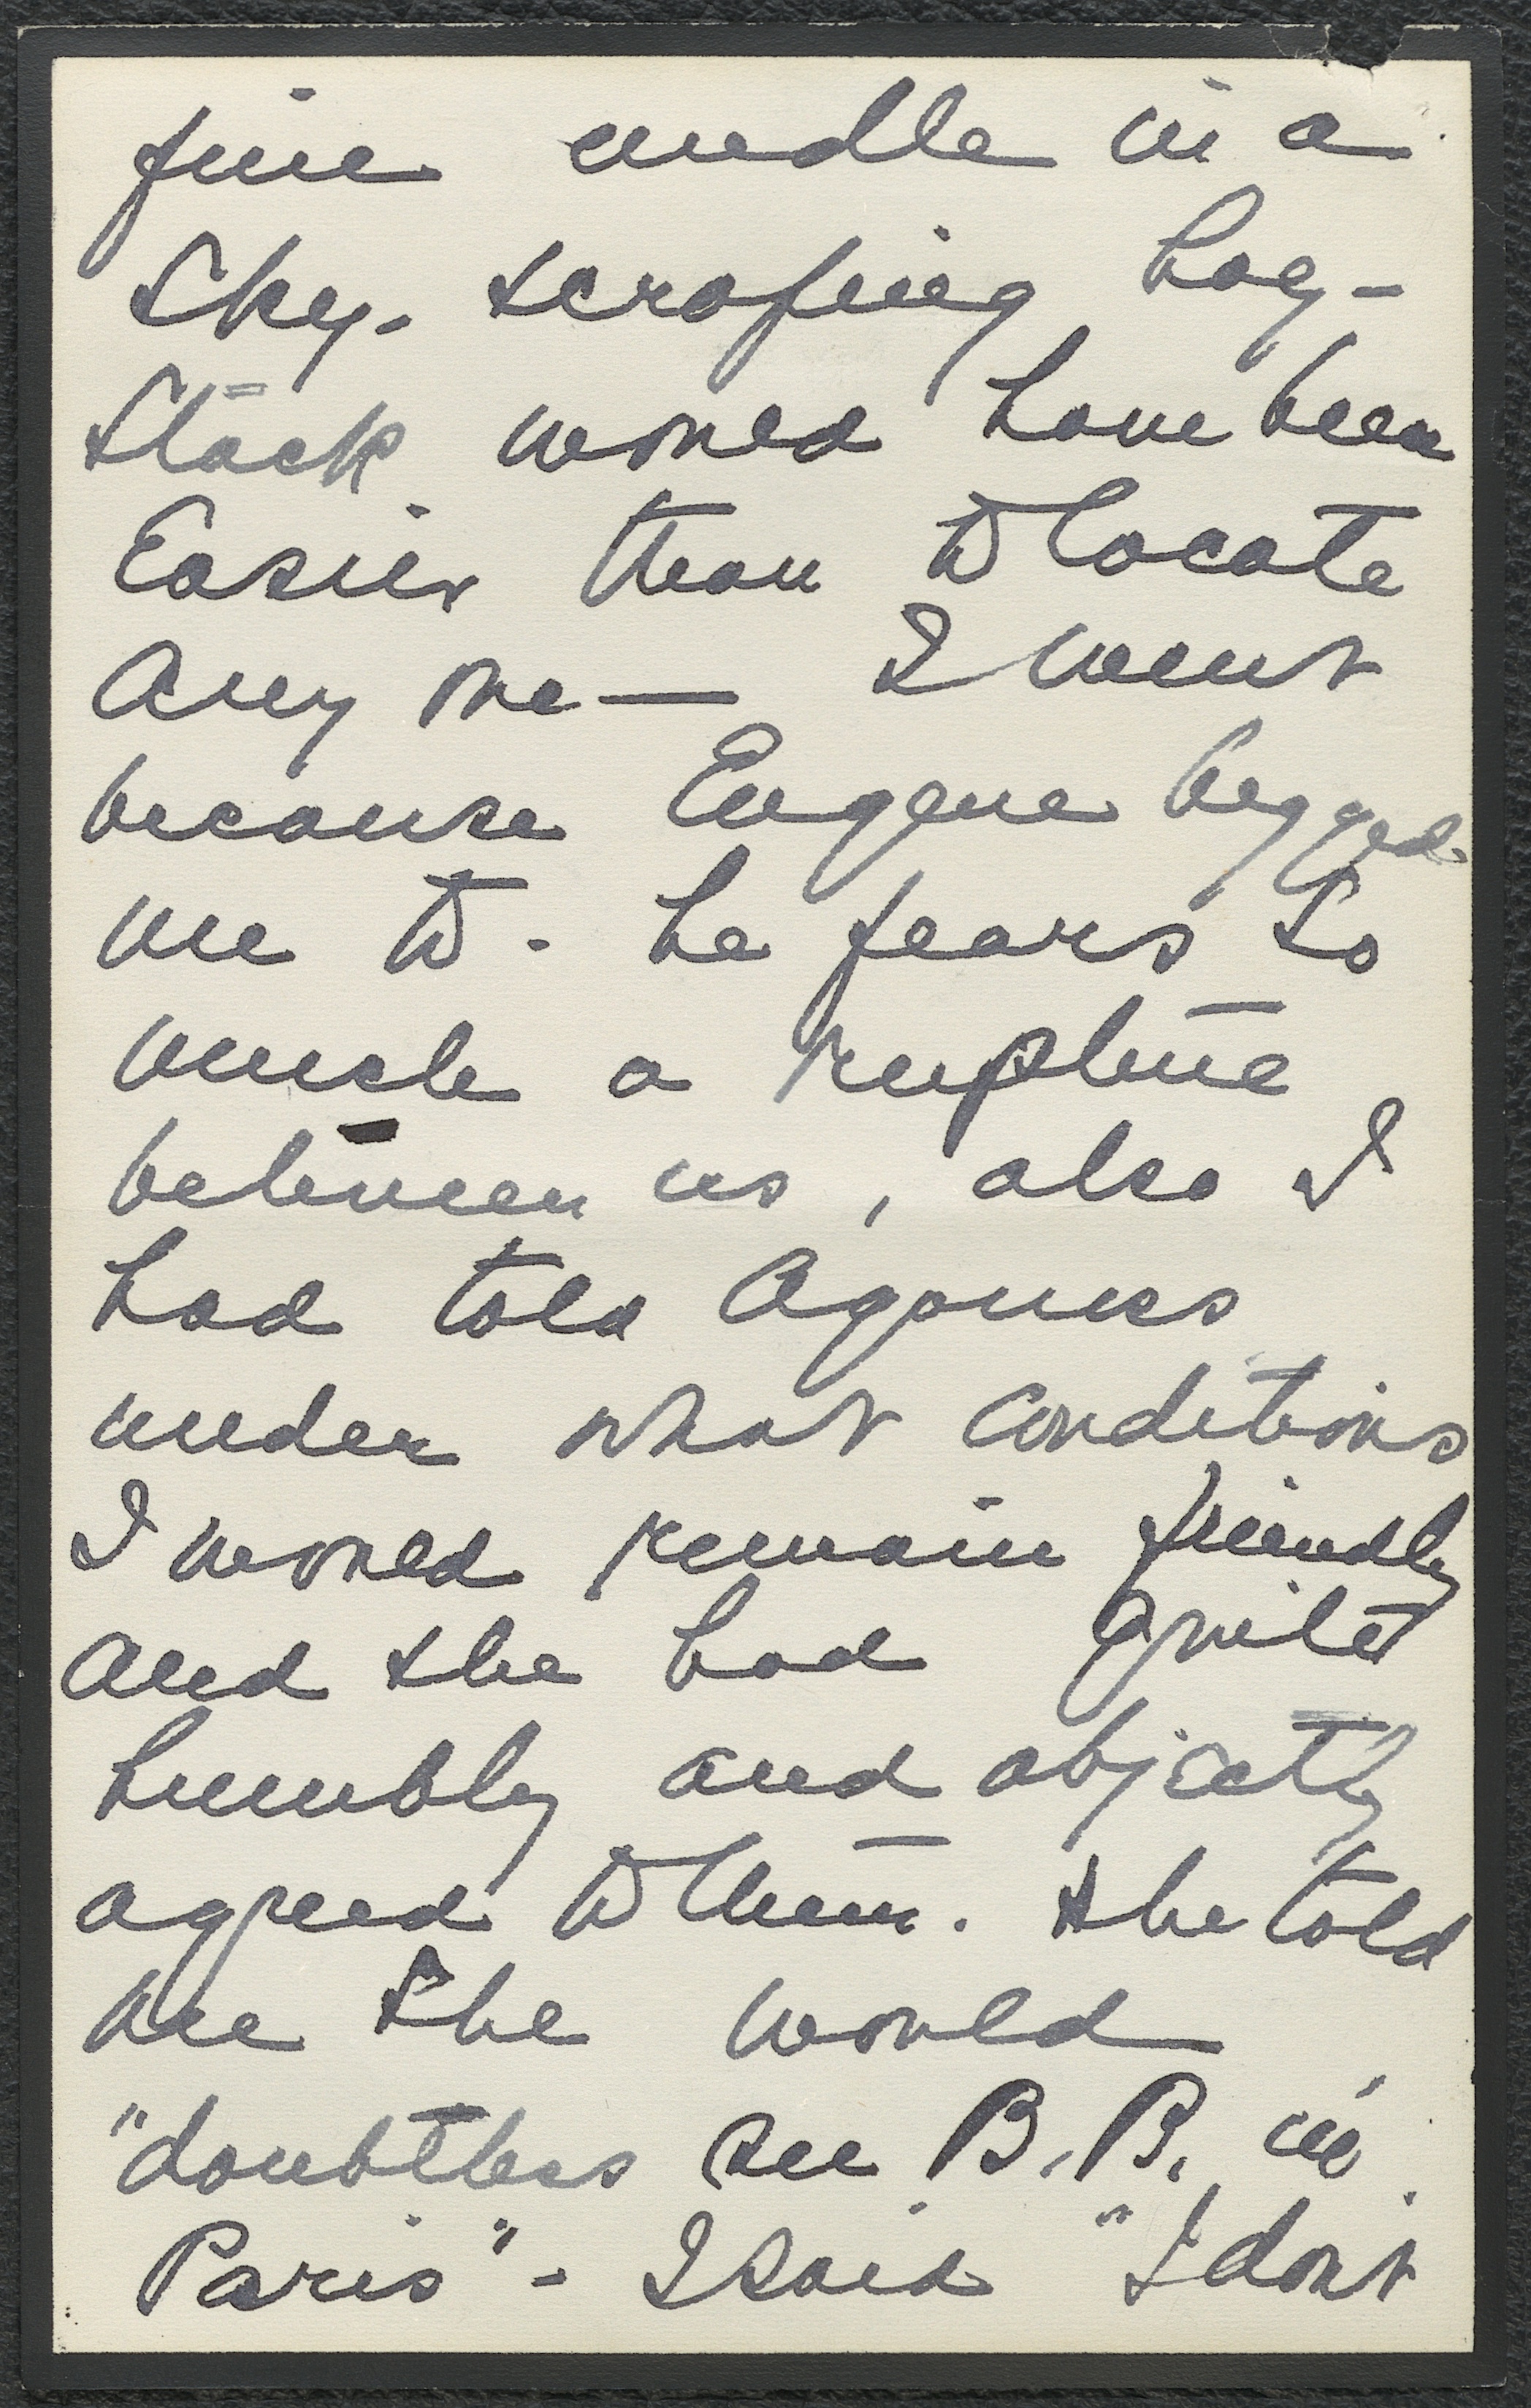find needle in a sky-scraping haystack would have been easier than to locate any one – I went because Eugene begged me to – he fears so much a rupture between us, also I had told Agness under what conditions I would remain friendly and she had quite humbly and abjectly agreed to them. She told me she would “doubtless see B.B. in Paris” – I said “I don’t